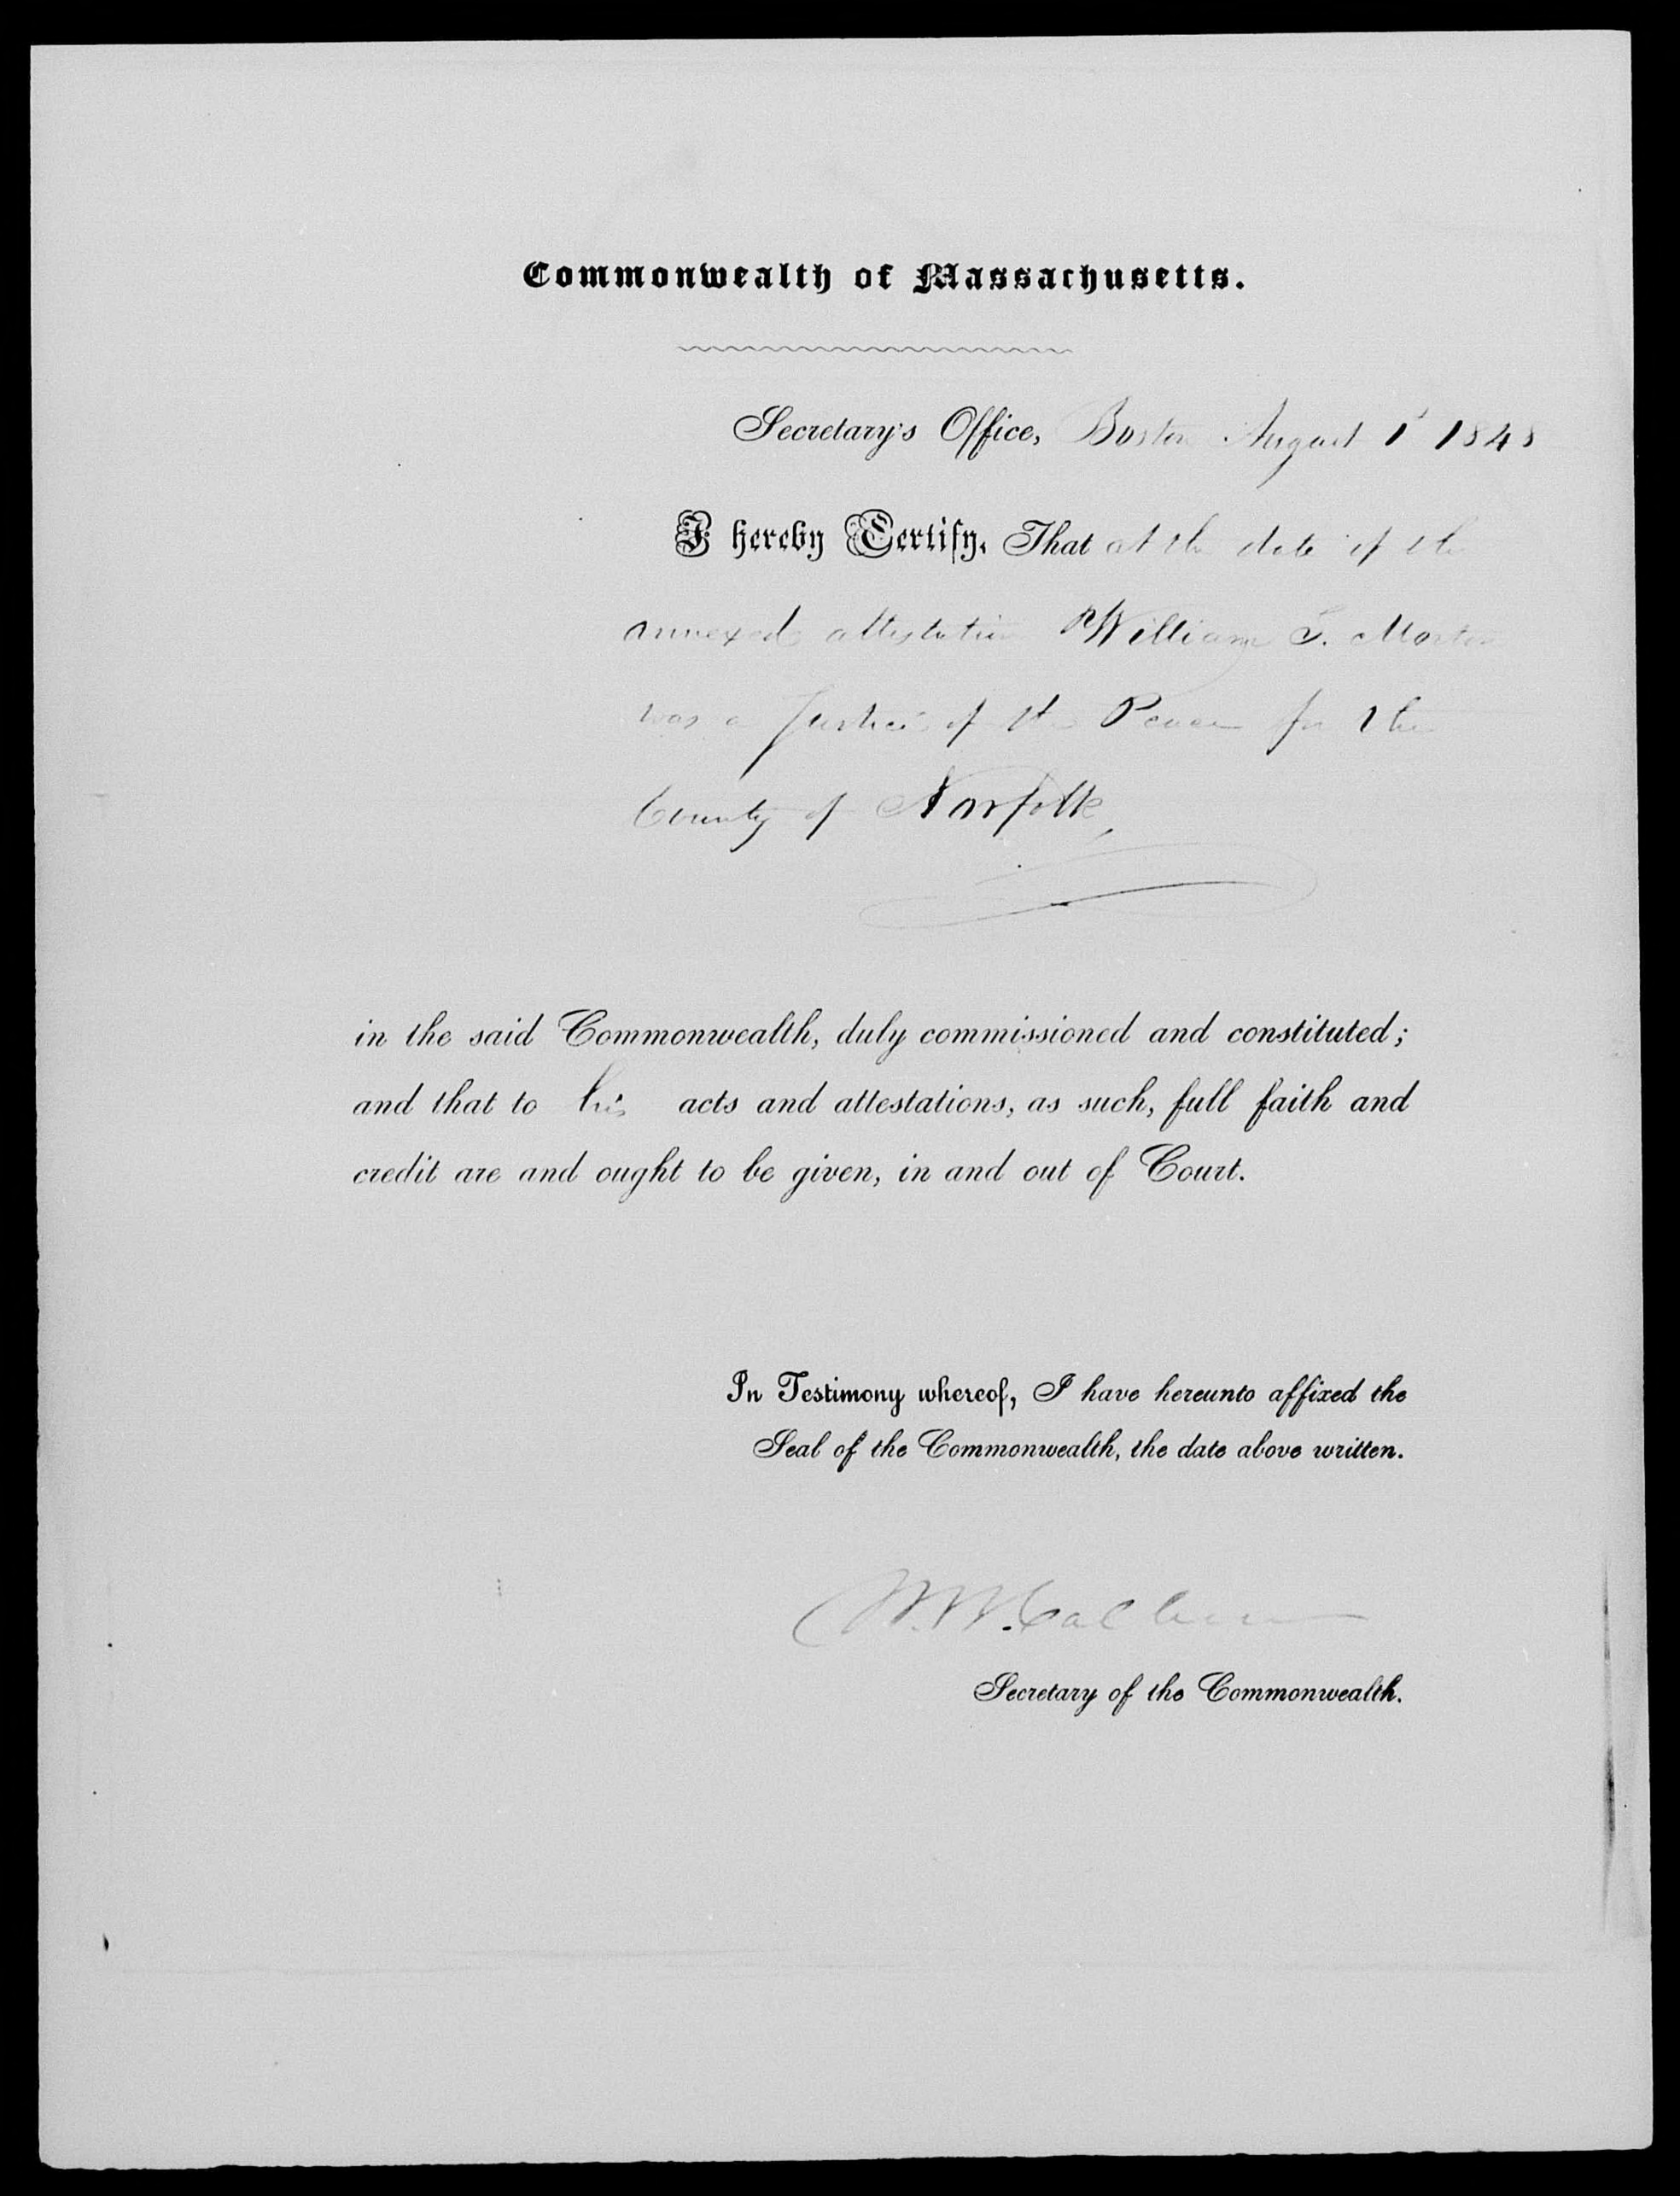Commonwealth of Massachusetts. 
Secretary's Office, Boston, August 12 1843
I hereby Certify, that at the date of the annexed attestation William C. Morton was a Justice of the Peace for County of Norfolk
in the said Commonwealth, duly commissioned and constituted, and that to his acts and attestations, as such, full faith and credit are and ought to be given, in and out of Court. 
In Testimony whereof, I have hereunto affixed the Seal of the Commonwealth, the date above written. 

Wm. [illegible ]
Secretary of the Commonwealth.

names: William S Morton, W W Calhoun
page: 42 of 46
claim: widow's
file: W. 23,673, John Brisler, Mass.